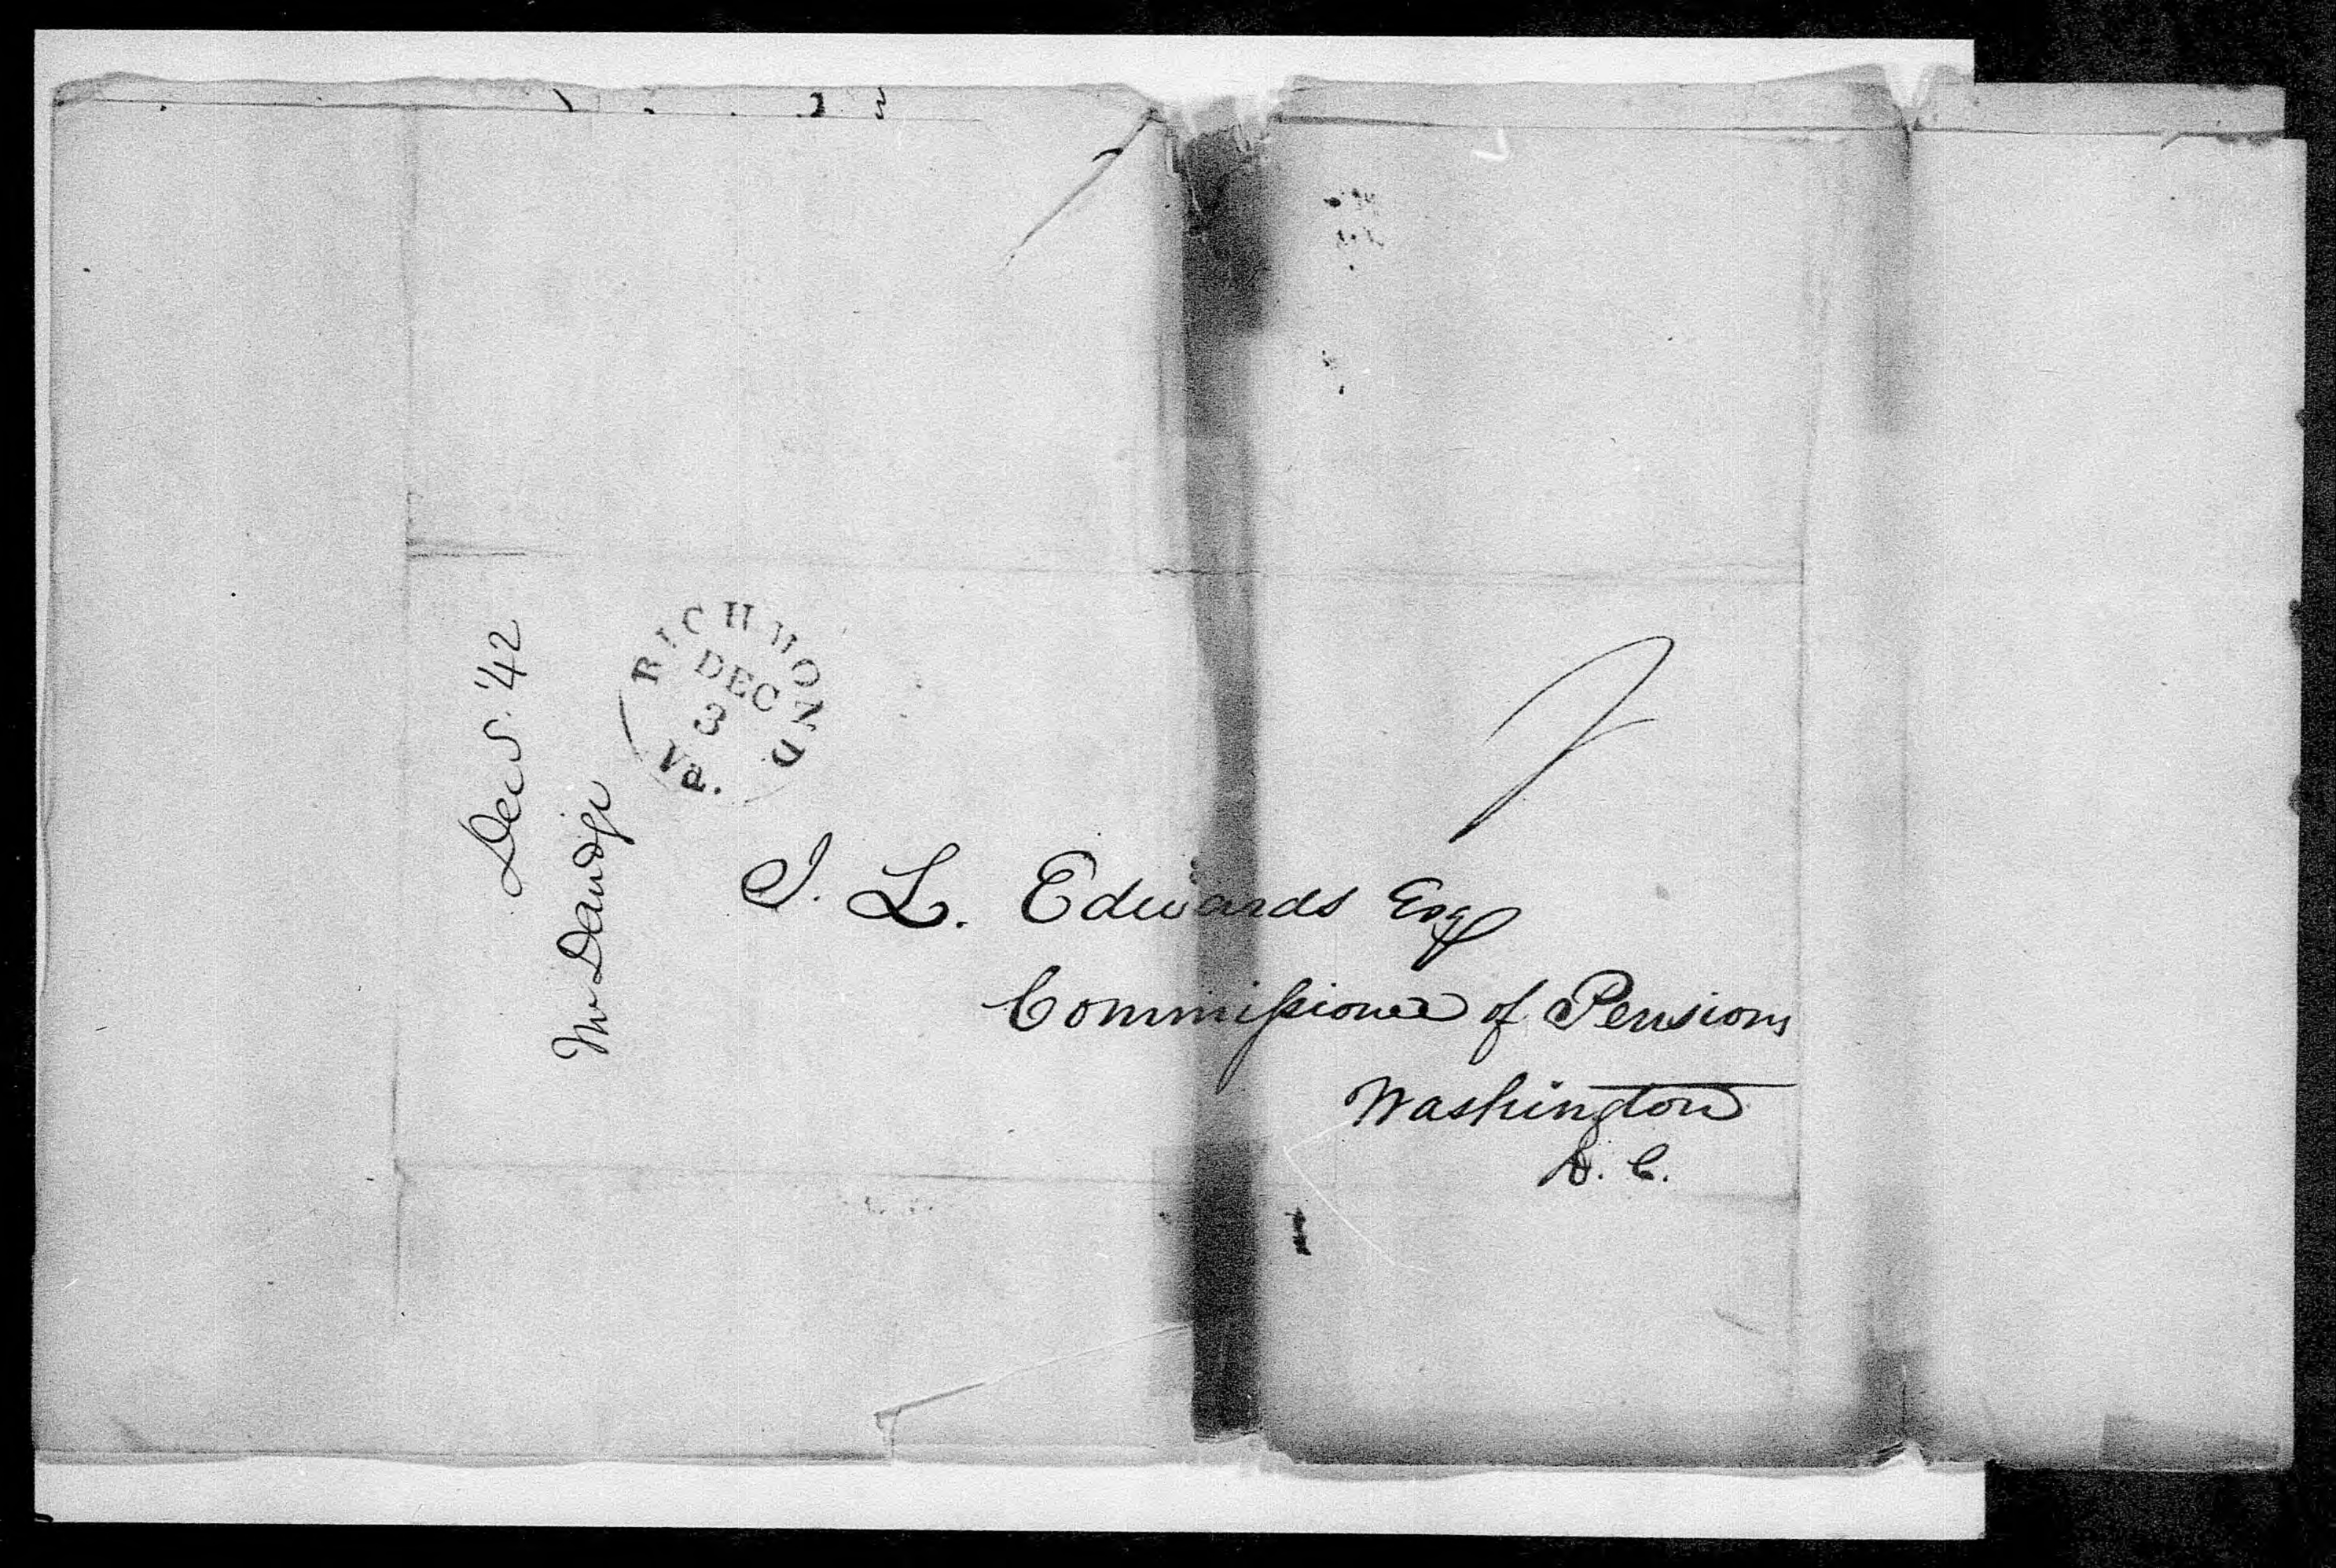[postmark Richmond Va Dec 3]
handwritten Dec 5 Mr. Danogi

JL Edwards Esq
Commisioner of Pensions Washington DC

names: J L Edwards, Davidge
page: 22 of 64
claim: survivor's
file: S. 6887, Peter Gideon, Md.